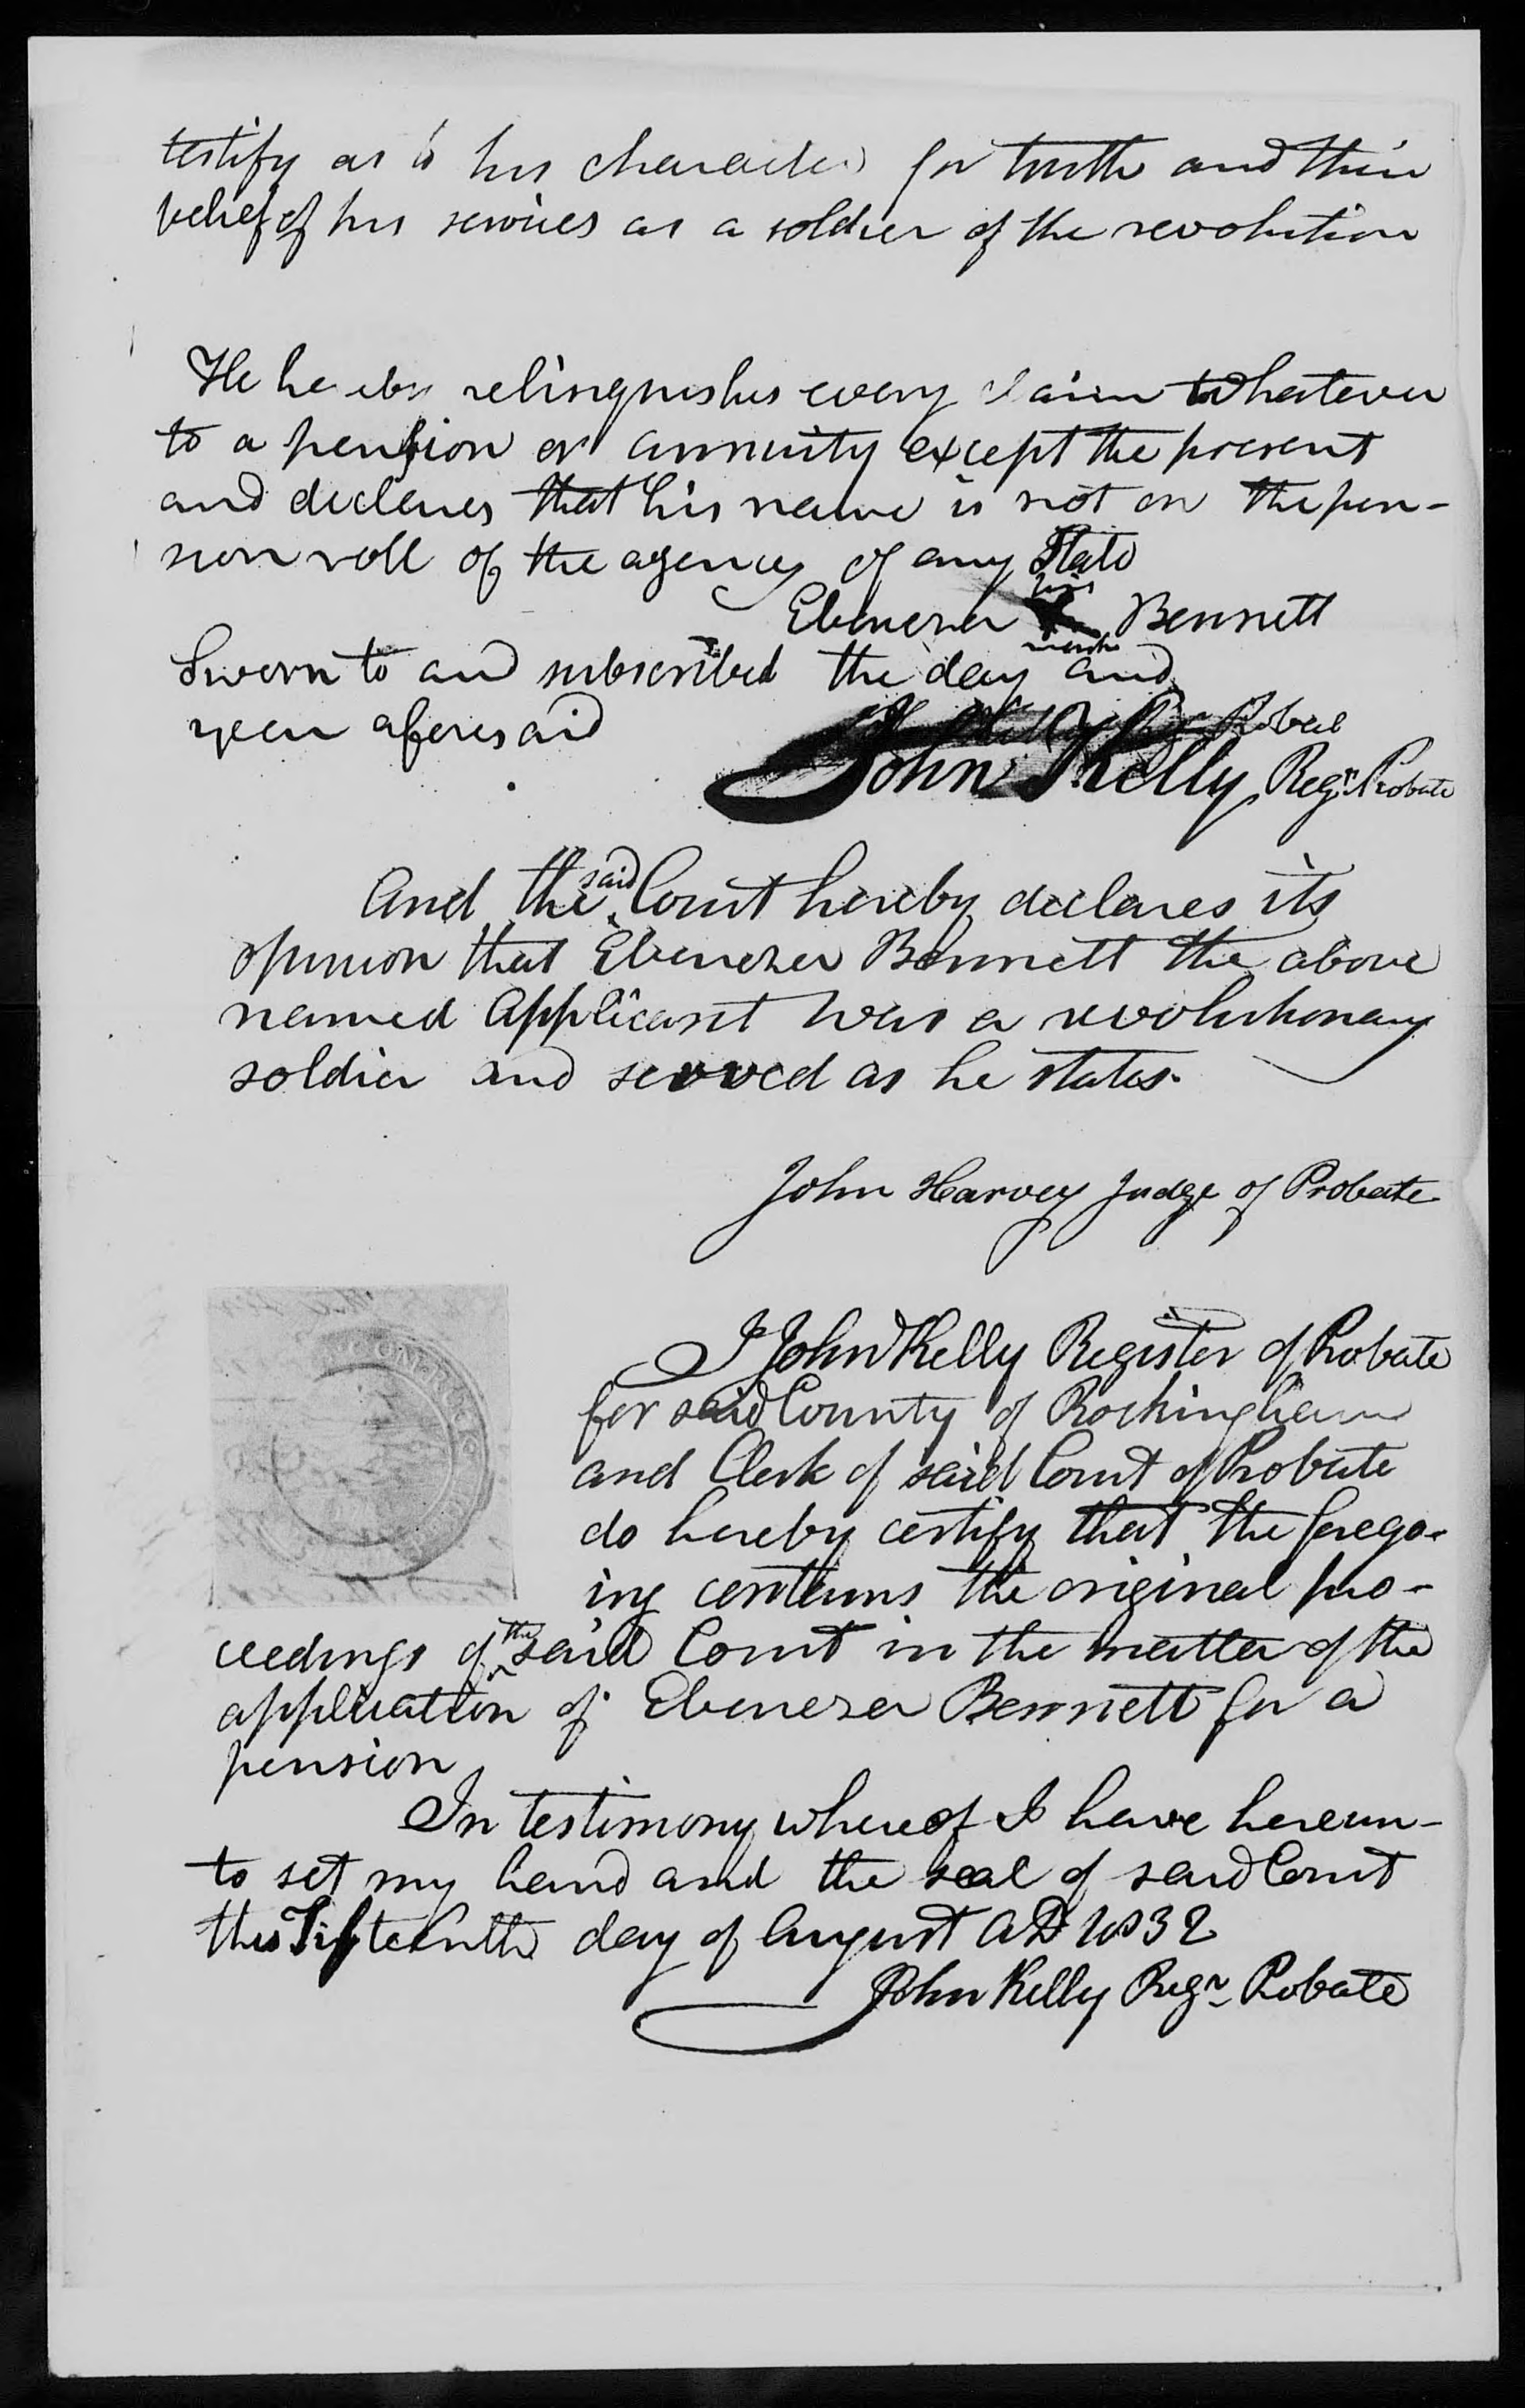testify as to his character for truth and their belief of his services as a soldier of the revolution

He hereby relinquishes every claim whatever to a pension or annuity except the present and declares that his name is not on the pension roll of the agency of any State

Ebenezer Bennett his mark
Sworn to and subscribed the day and year aforesaid

John Kelly Regr Probate

And the said Court hereby declares its opinion that Ebenezer Bennett the above named Applicant was a revolutionary soldier and served as he states.

John Harvey Judge of Probate

I John Kelly Register of Probate for said County of Rockingham and Clerk of said Court of Probate do hereby certify that the foregoing contains the original proceedings of the said Court in the matter of the application of Ebenezer Bennett for a pension

In testimony whereof I have hereunto set my hand and the seal of said Court this Fifteenth day of August AD 1832

John Kelly Regr Probate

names: John Kelly, John Kelly, Ebenezer Bennett, John Kelly, Ebenezer Bennett, Ebenezer Bennett, John Harvey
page: 6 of 43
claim: widow's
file: W. 21665, Ebenezer Bennett, N. H. Privateer.